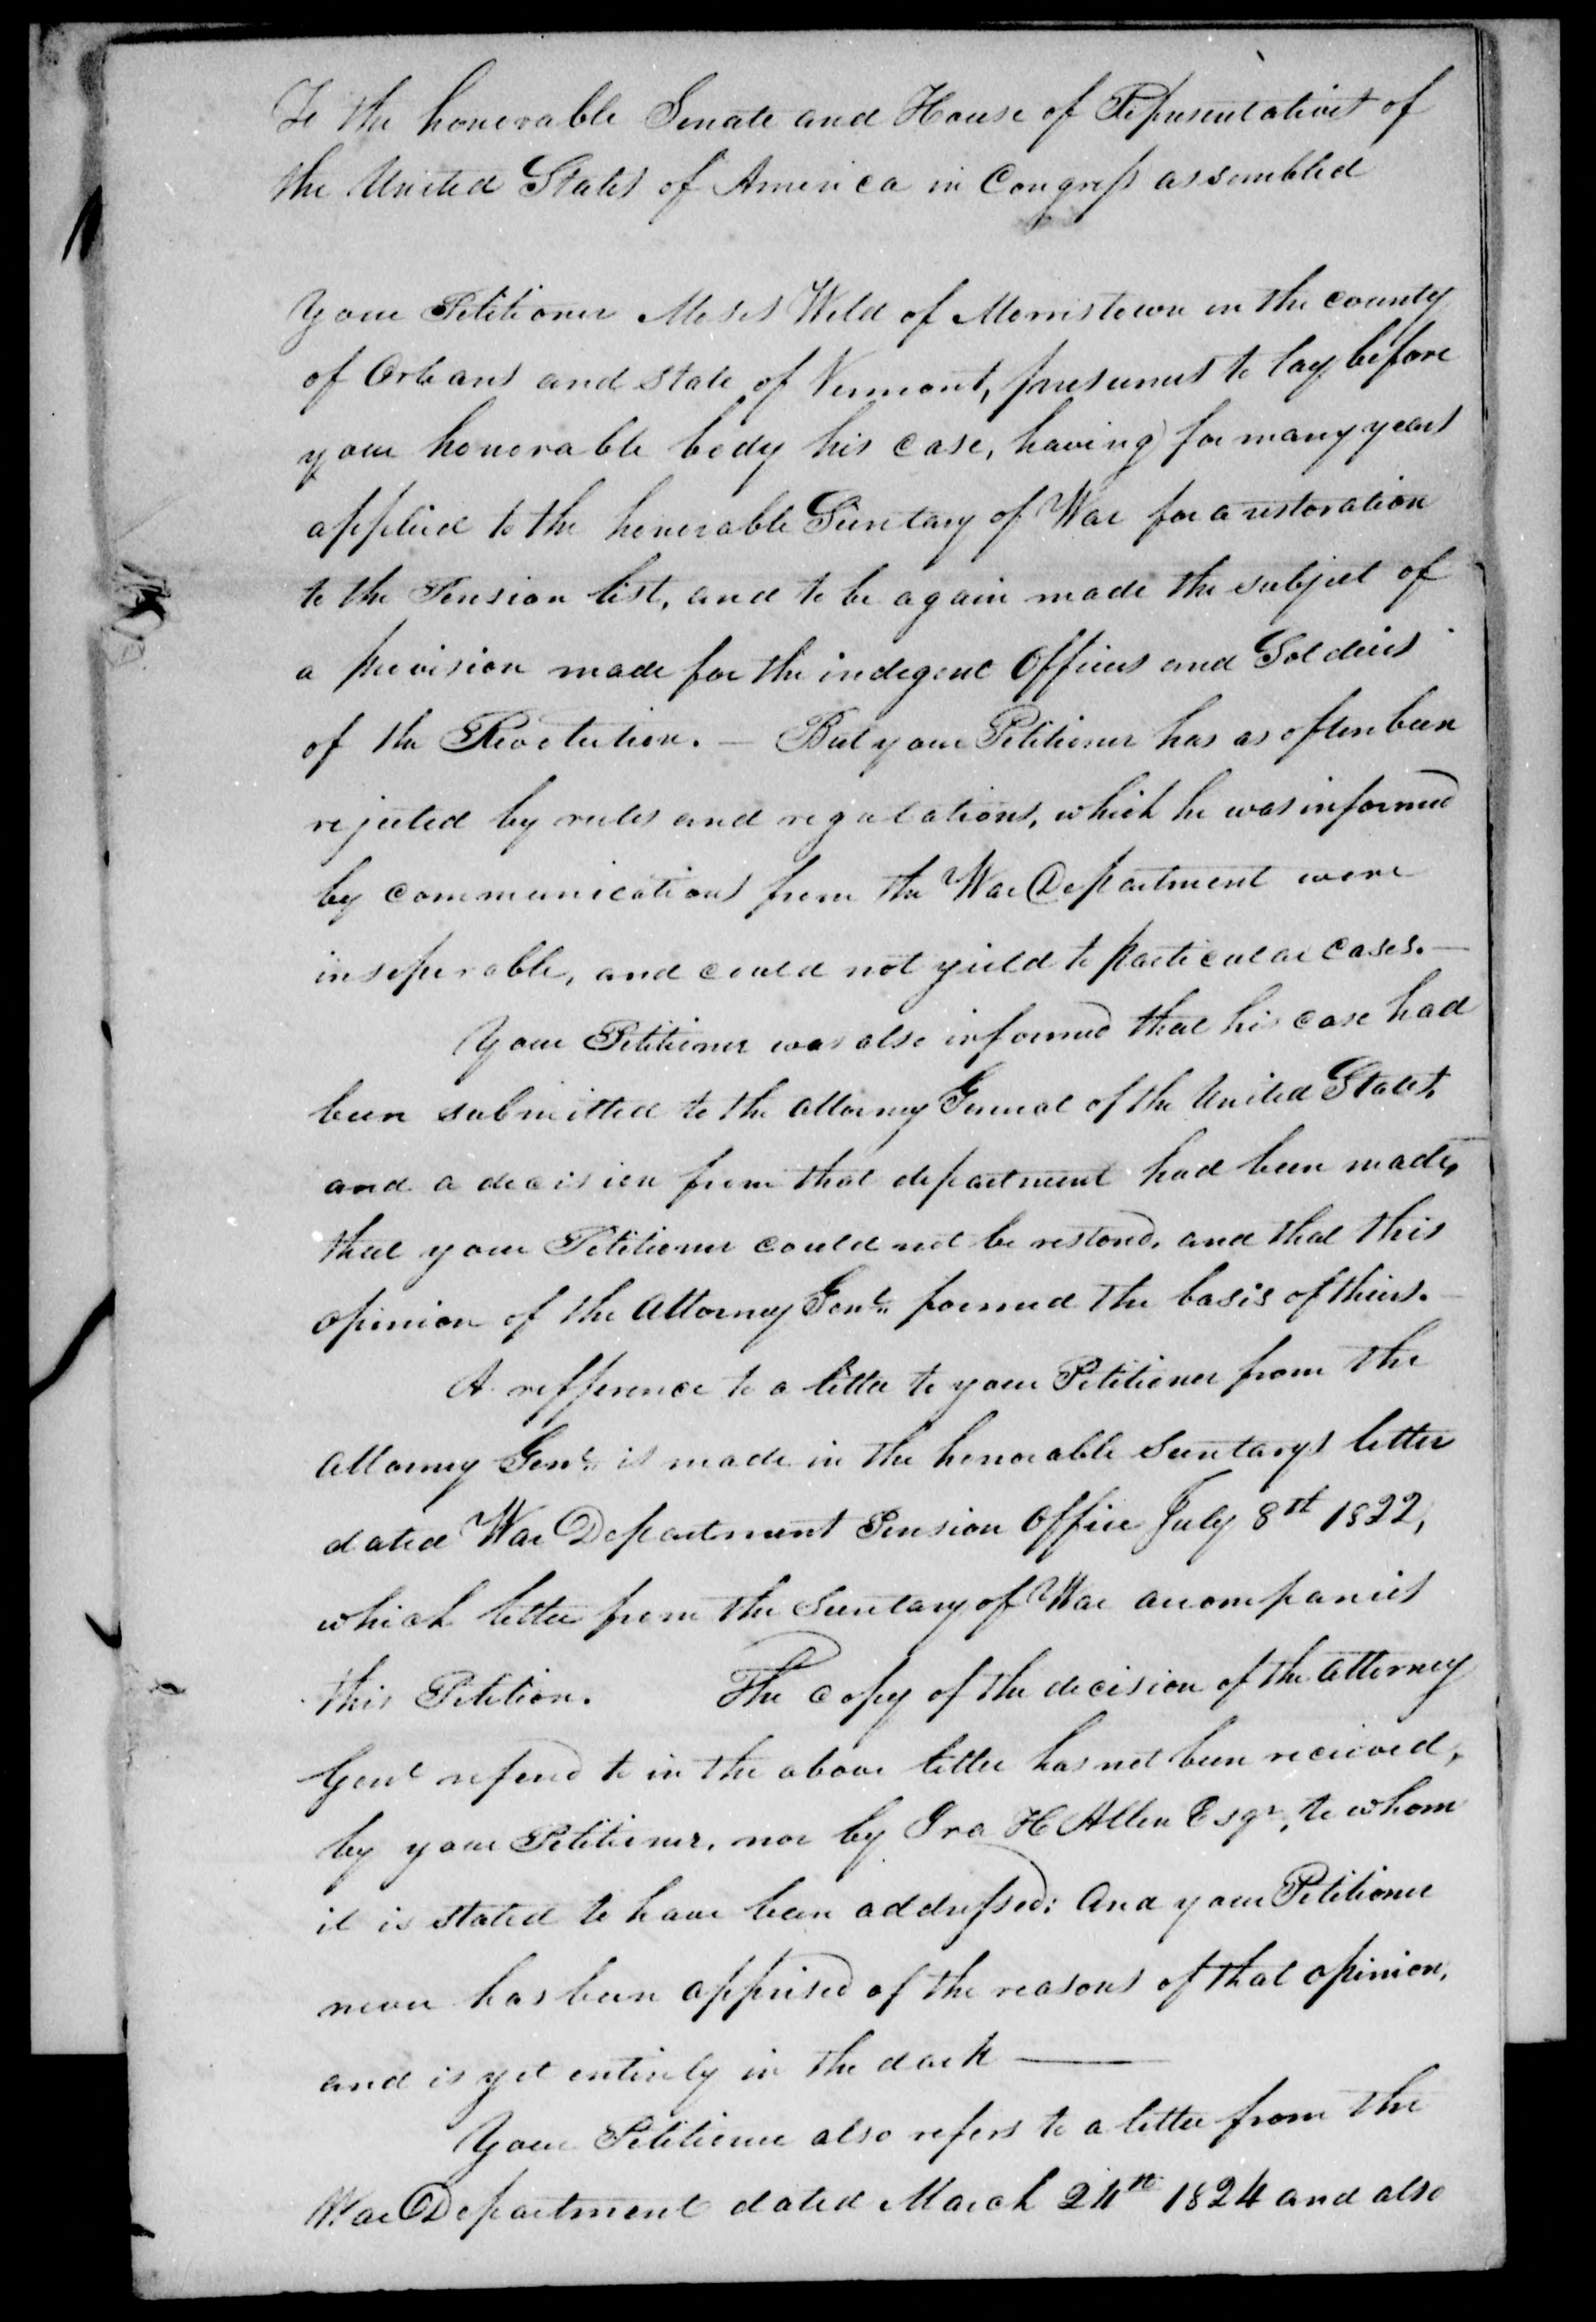To the Honorable Senate and House of Representation of the United States of America in Congress assembled
Your Petitioner Moses Weld of Morristown in the county of Orleans and State of Vermont, presumes to lay before your honorable body his case, having for many years applied to the honorable Secretary of War for a restoration
to the Pension list, and to be again made the subject of a provision made for the indigent Officers and Soldiers of the Revolution. - But your Petitioner has as often been rejected by rules and regulations, which he was informed
by communications from the War Department were inseparable, and could not yield to particular cases. -
Your Petitioner was also informed that his case had been submitted to the Attorney General of the United States and a decision from that department had been made that your Petitioner could not be restored, and that this
opinion of the Attorney Genl formed the basis of theirs. -
A refference to a letter to your Petitioner from the Attorney Genl is made in the honorable Secretary's letter dated War Department Pension Office July 8th 1822, which letter from the Secretary of War accompanies this Petition.
The copy of the decision of the Attorney
Genl refered to in the above letter has not been received, by your petitioner, nor by Ira H Allen Esqr, to whom it is stated to have been addressed:  And your Petitioner never has been apprised of the reasons of that opinion,
and is yet entirely in the dark-
Your Petitioner also refers to a letter from the
War Department dated March 24th 1824 and also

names: Moses Weld, Ira H Allen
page: 75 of 87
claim: widow's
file: W. 25,966, Moses Weld, Mass.